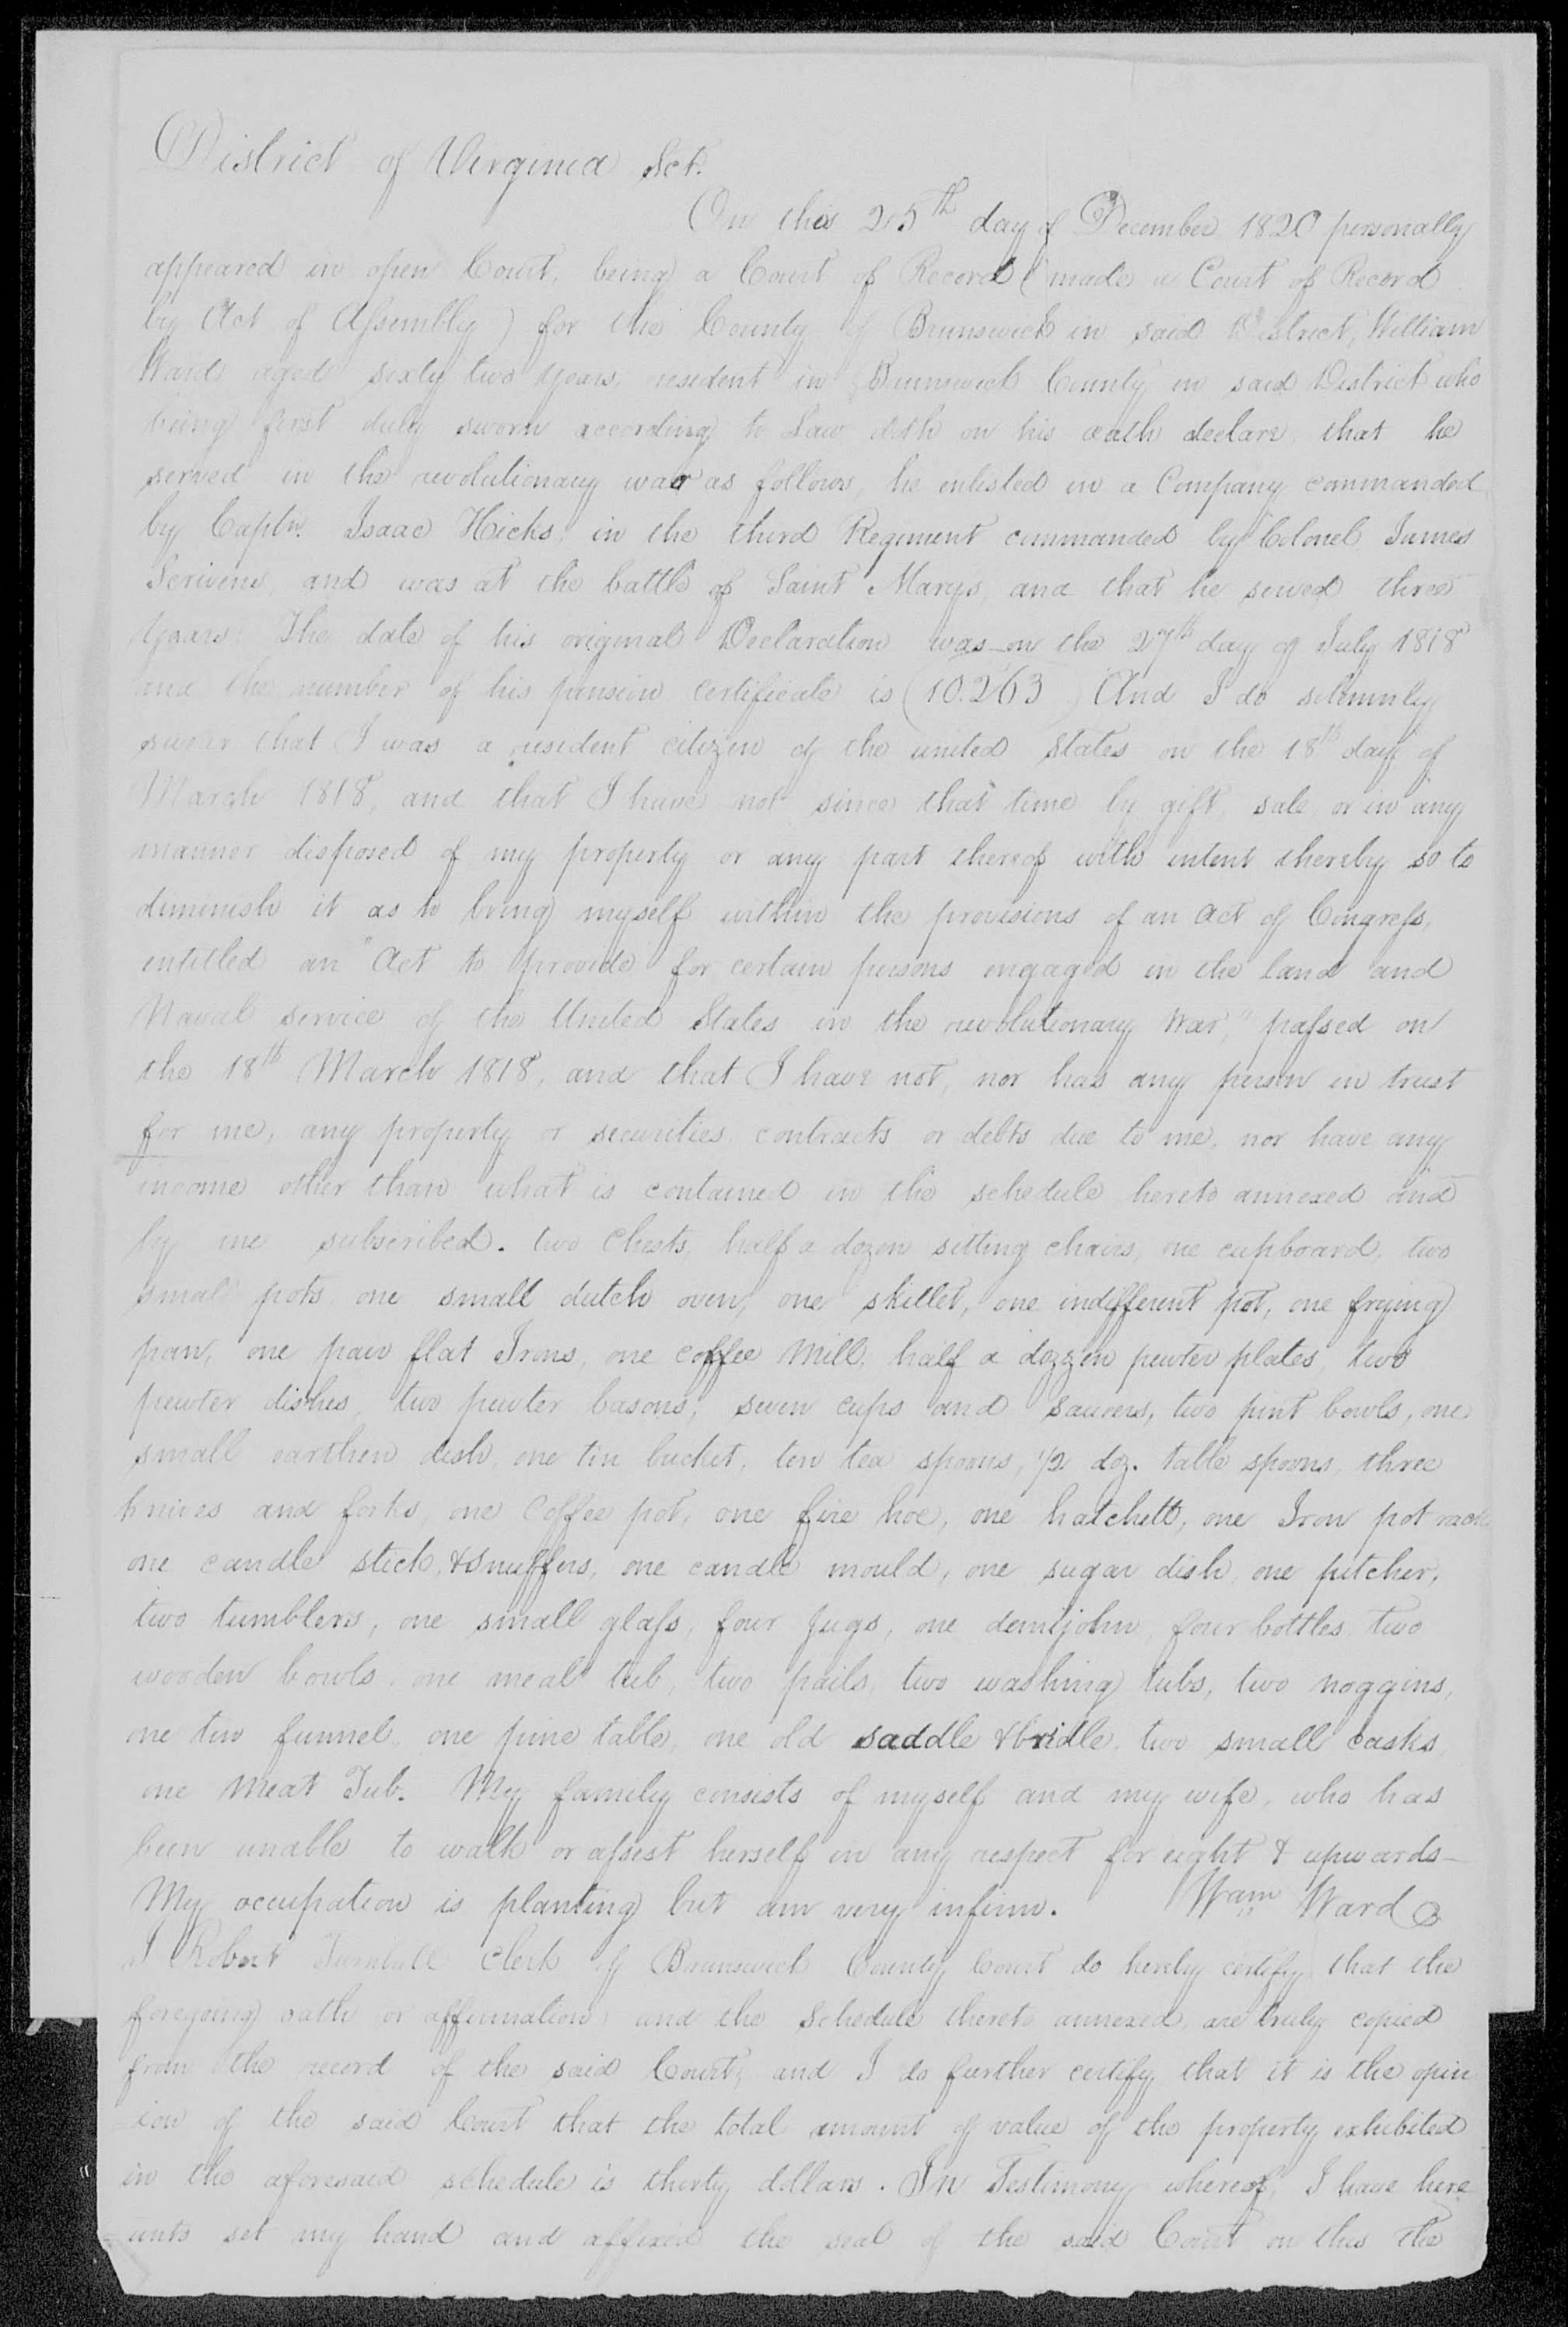District of Virginia Sct.
On this 25th day of December 1820 personally
appeared in open Court being a Court of Record (made a Court of Record by Act of Assembly) for the County of Brunswick in said ,District, William Ward aged sixty two years, resident in Brunswick County in said District who being first duly sworn according to Law doth on his oath declare that he served in the revolutionary war as follows, he enlisted in a company commanded by Captn Isaac Hicks, in the third Regiment commanded by Colonel James Scrivens, and was at the battle of Saint Marys and that he served three years. The date of his original Declaration was on the 27th day of July 1818 and the number of his pension certificate is 10.263. And I do solemnly swear that I was a resident citizen of the United States on the 18th day of March 1818, and that I have not since that time by gift sale or in any
manner disposed of my property or any part thereof with intent thereby so to diminish it as to bring myself within the provisions of an act of Congress, entitled "an act to provide for certain persons engaged in the land and
Naval service of the United States in the revolutionary War", passed on the 18th March 1818, and that I have not, nor has any person in trust for me, any property or securities contracts or debts due to me nor have any
income other than what is contained in the schedule hereto annexed and by me subscribed, two chests, half a dozen sitting chairs, one cupboard, two small pots, one small dutch oven, one skillet, one indifferent pot, one frying pan, one pair flat Irons, one coffee Mill, half a dozen pewter plates, two pewter dishes, two pewter basons, seven cups and saucers, two pewt bowls, one small earthen dish, one tin bucket, ten tea spoons, 1/2 doz. table spoons, three knives and forks, one coffee pot, one fire hoe, one hatchett, one Iron pot rack, one candle stick, & Snuffers, one candle mould, one sugar dish, one pitcher,
two tumblers, one small glass, four Jugs, one demijohn, four bottles, two wooden bowls, one meal tub, two pails, two washing tubs, two noggins, one tin funnel one pine table one old saddle & bridle, two small casks, one Meat Tub. My family consists of myself and my wife, who has been unable to walk or assist herself in any respect for eight & upwards-
My occupation is planting but am very infirm.
Wm Ward
I Robert Turnbull Clerk of Brunswick County Court do hereby certify that the foregoing oath or affirmation, and the Schedule thereto annexed, are truly copied from the record of the said Court, and I do further certify that it is the opinion of the said Court that the total amount of value of the property exhibited
in the aforesaid schedule is thirty dollars. In Testimony whereof I have here unto set my hand and affixed the seal of the said Court on this the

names: William Ward, Saml Marys, Robert Turnbull, Wam Ward, James Scrivens, Isaac Hicks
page: 5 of 17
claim: survivor's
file: S. 42053, William Ward, Ga.